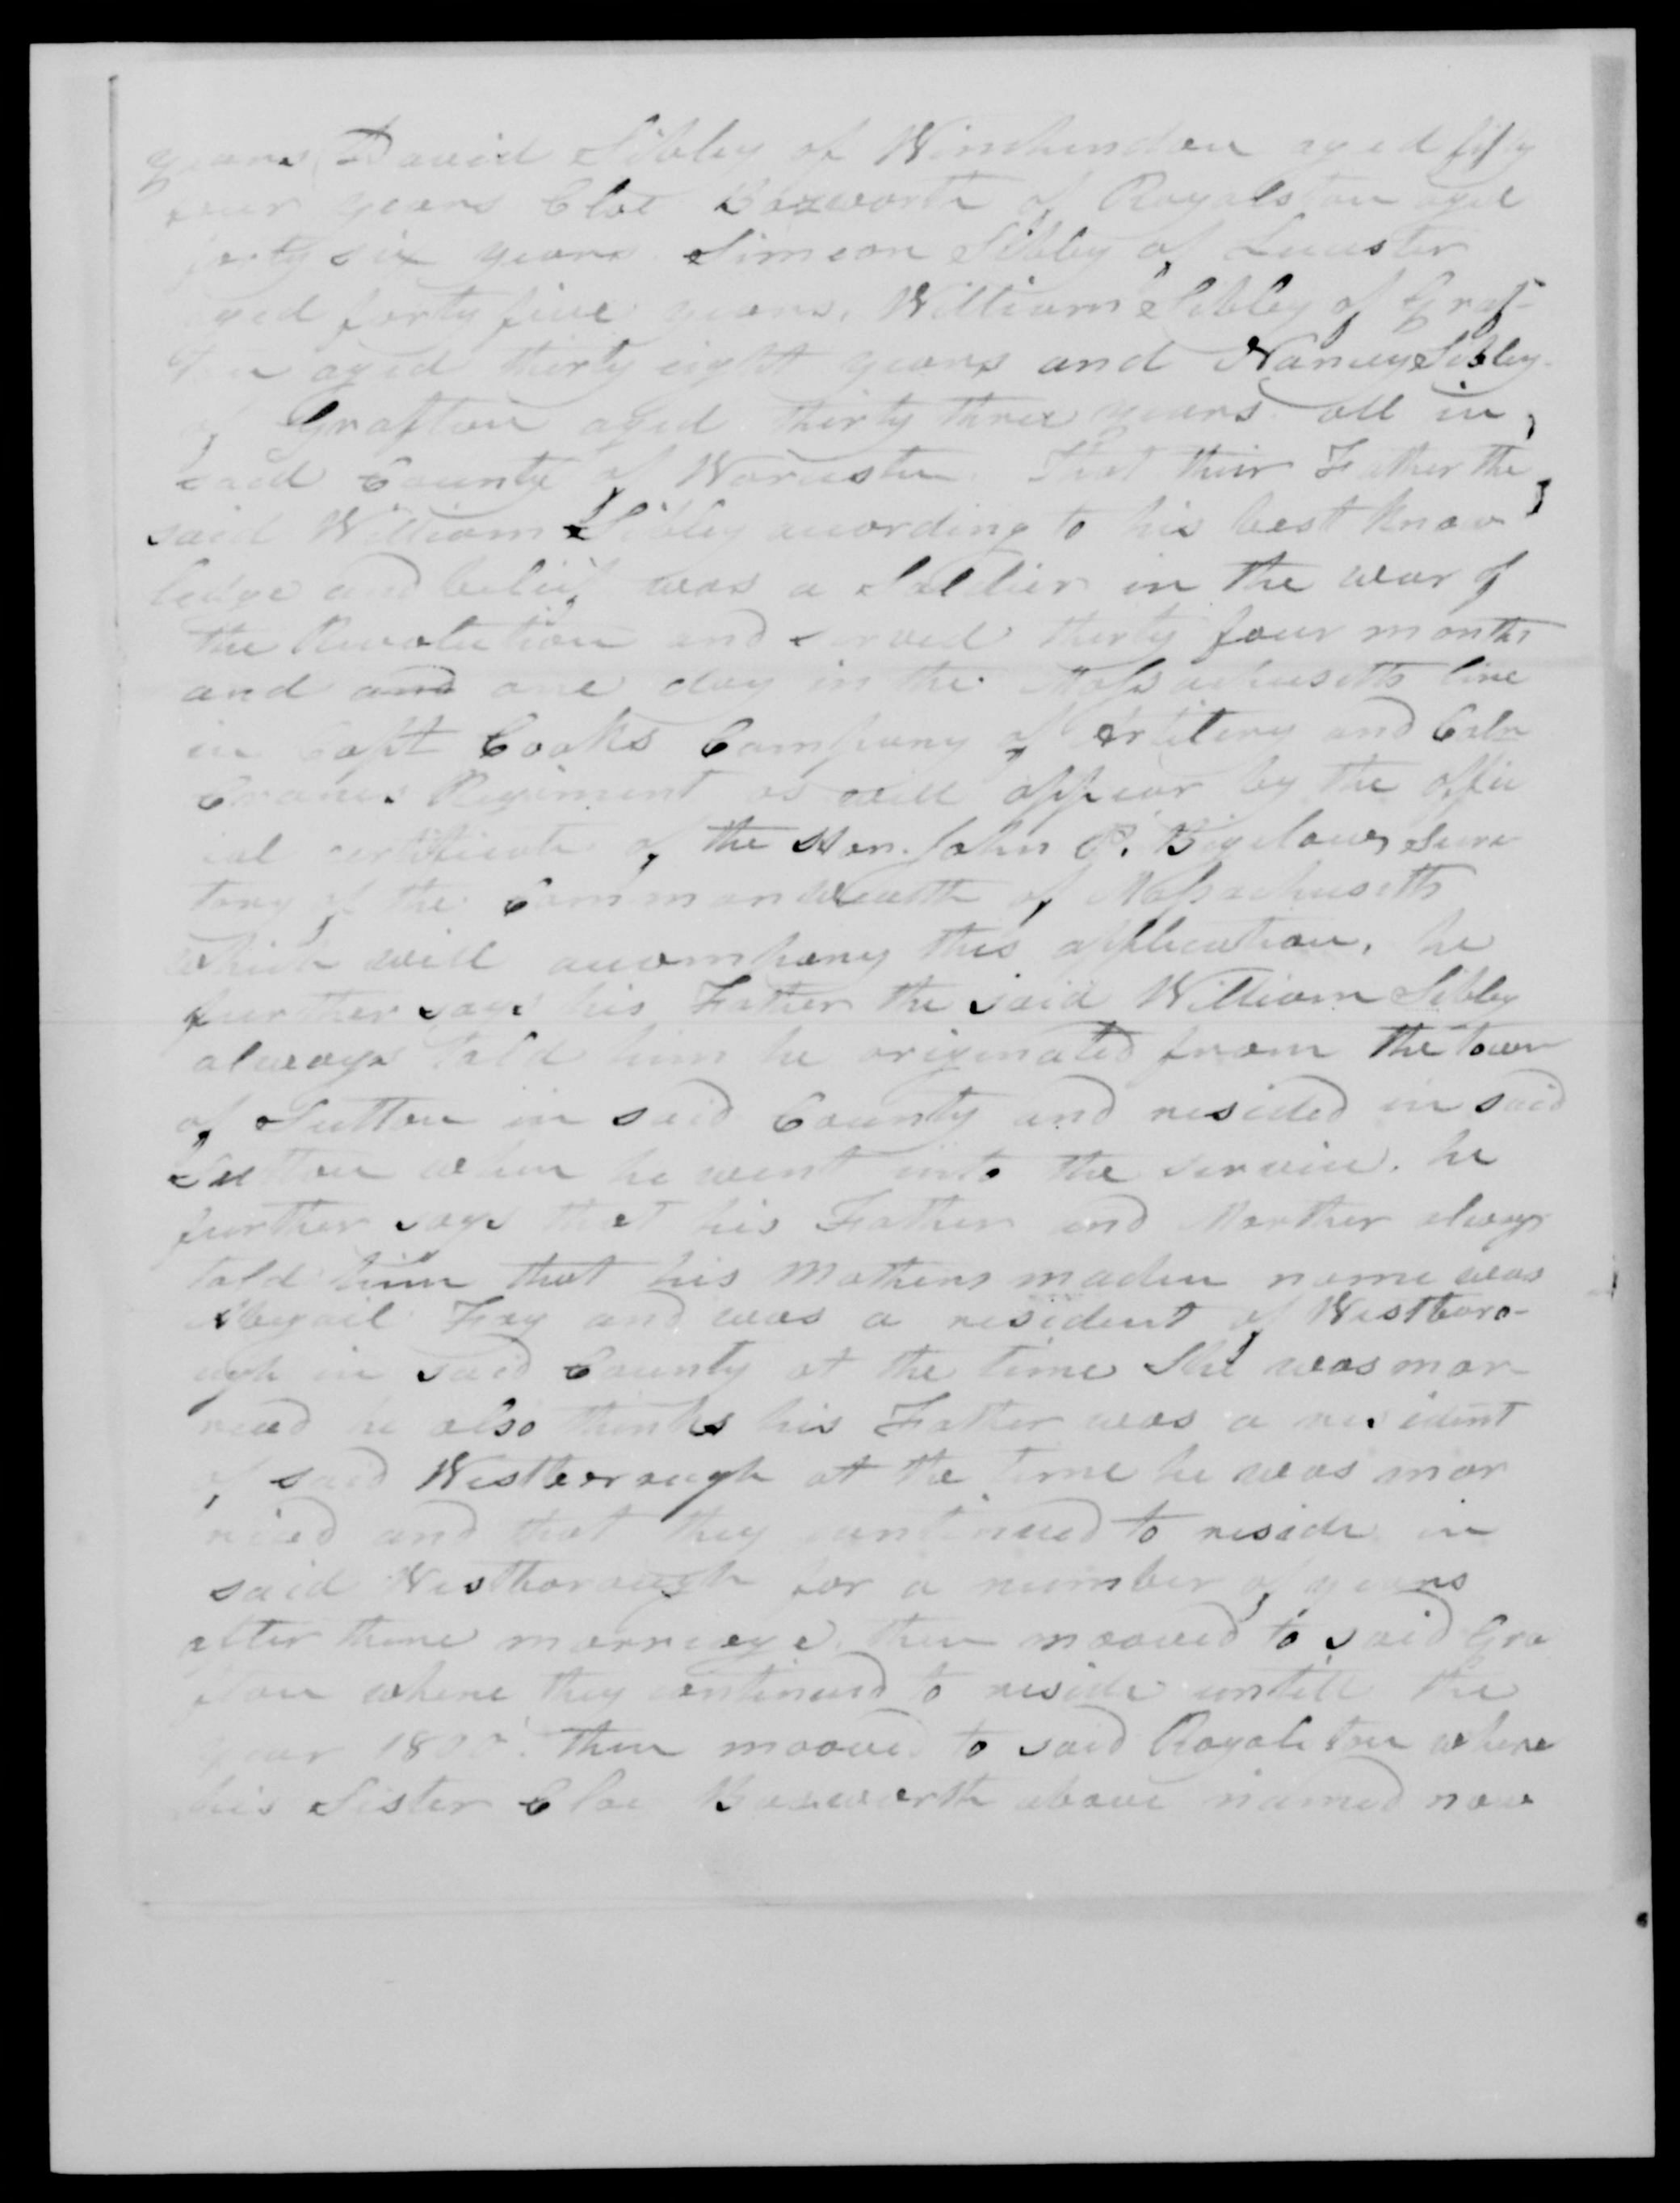years David Sibley of Winchendon aged fifty-four years Cloe Bosworth of Royalston aged forty-six years Simeon Sibley of Lecester aged forty-five years, William Sibley of Grafton aged thirty-eight years and Nancy Sibley of Grafton aged thirty-three years all in, said County of Worcester [illegible] their father the said William Sibley according to his best knowledge and belief was a soldier in the war of the Revolution and served thirty four months and one day in the Massachusetts line in Capt. Cooks Company of artilery and Col Crane's Regiment as will appear by the official certificate of the Hon. John P. Bigelow's Secretary of the Commonwealth of Massachusetts which will accompany this application, he further said his father the said William Sibley always told him he originated from the town of Sutton in said County and resided in said Sutton when he went into the service. he further says that his father and mother always told him that is mother's maiden name was Abigail Fay and was a resident of Westborough in said County at the time she was married he also thinks his father was a resident of said Westborough at the time he was married and that they continued to reside in said Westborough for a number of years after their marriage then moved to said Grafton where they resided until the year 1800 then moved to said Royalston where his sister Cloe Bosworth above named now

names: William Sibley; Cloe Bosworth; William Sibley; Abigail Fay; John P Bigelow; David Sibley; Simeon Sibley; William Sibley; Nancy Sibley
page: 6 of 24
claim: widow's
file: W. 15,338, for William Sibley, Massachusetts